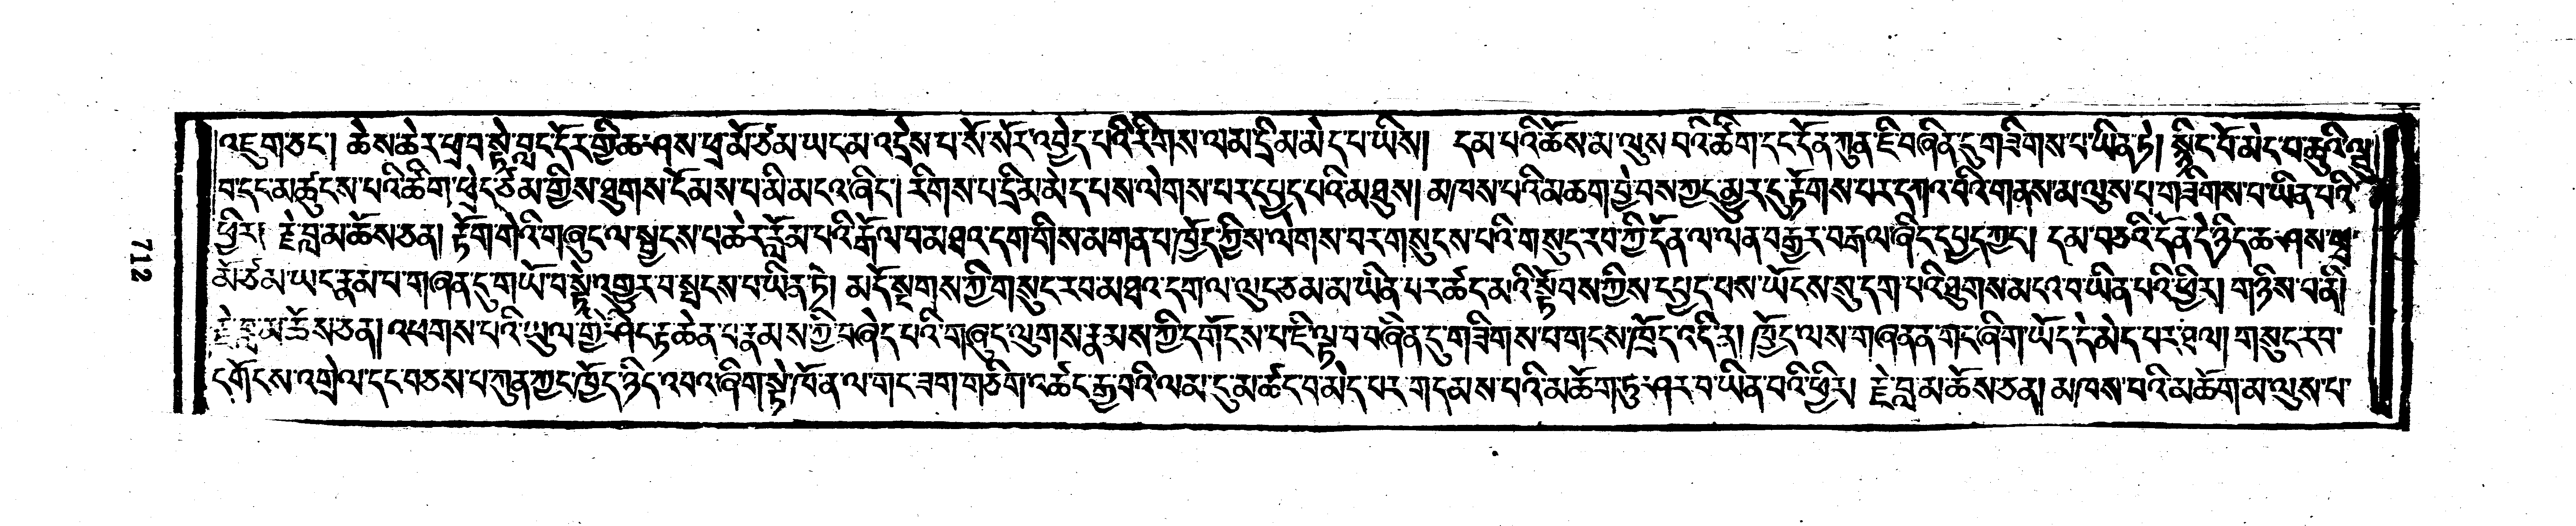འཇུག་ཅིང་། ཆེས་ཆེར་ཕྲ་བ་སྟེ་བླང་དོར་གྱི་ཆ་ཤས་ཕྲ་མོ་ཙམ་ཡང་མ་འདྲེས་པ་སོ་སོར་འབྱེད་པའི་རིགས་ལམ་དྲི་མ་མེད་པ་ཡིས། དམ་པའི་ཆོས་མ་ལུས་པའི་ཚིག་དང་དོན་ཀུན་ཇི་བཞིན་དུ་གཟིགས་པ་ཡིན་ཏེ། སྙིང་པོ་མེད་པ་ཆུའི་ལྦུ་
བ་དང་མཚུངས་པའི་ཚིག་ཕྲེང་ཙམ་གྱིས་ཐུགས་ངོམས་པ་མི་མངའ་ཞིང་། རིགས་པ་དྲི་མ་མེད་པས་ལེགས་པར་དཔྱད་པའི་མཐུས། མཁས་པའི་མཆོག་བྱེ་བས་ཀྱང་མྱུར་དུ་རྟོགས་པར་དཀའ་བའི་གནས་མ་ལུས་པ་གཟིགས་པ་ཡིན་པའི་
ཕྱིར༑ རྗེ་བླ་མ་ཆོས་ཅན། རྟོག་གེའི་གཞུང་ལ་སྦྱངས་པ་ཆེར་རློམ་པའི་རྒོལ་བ་མཐའ་དག་གིས་མགོན་པོ་ཁྱོད་ཀྱིས་ལེགས་པར་གསུངས་པའི་གསུང་རབ་ཀྱི་དོན་ལ་ལན་བརྒྱར་བརྒལ་ཞིང་དཔྱད་ཀྱང་། དམ་བཅའི་དོན་དེ་ཉིད་ཆ་ཤས་ཕྲ་
མོ་ཙམ་ཡང་རྣམ་པ་གཞན་དུ་གཡོ་བ་སྟེ་འགྱུར་བ་སྤངས་པ་ཡིན་ཏེ། མདོ་སྔགས་ཀྱི་གསུང་རབ་མཐའ་དག་ལ་ལུང་ཙམ་མ་ཡིན་པར་ཚད་མའི་སྟོབས་ཀྱིས་དཔྱད་པས་ཡོངས་སུ་དག་པའི་ཐུགས་མངའ་བ་ཡིན་པའི་ཕྱིར། གཉིས་པ་ནི།
རྗེ་བླ་མ་ཆོས་ཅན། འཕགས་པའི་ཡུལ་གྱི་ཤིང་རྟ་ཆེན་པོ་རྣམས་ཀྱི་བཞེད་པའི་གཞུང་ལུགས་རྣམས་ཀྱི་དགོངས་པ་ཇི་ལྟ་བ་བཞིན་དུ་གཟིགས་པ་གངས་ཁྲོད་འདི་ན། ཁྱོད་ལས་གཞན་ན་གང་ཞིག་ཡོད་དེ་མེད་པར་ཐལ། གསུང་རབ་
དགོངས་འགྲེལ་དང་བཅས་པ་ཀུན་ཀྱང་ཁྱོད་ཉིད་འབའ་ཞིག་སྟེ་ཁོ་ན་ལ་གང་ཟག་གཅིག་འཚང་རྒྱ་བའི་ལམ་དུ་མ་ཚང་བ་མེད་པར་གདམས་པའི་མཆོག་ཏུ་ཤར་བ་ཡིན་པའི་ཕྱིར། རྗེ་བླ་མ་ཆོས་ཅན། མཁས་པའི་མཆོག་མ་ལུས་པ་